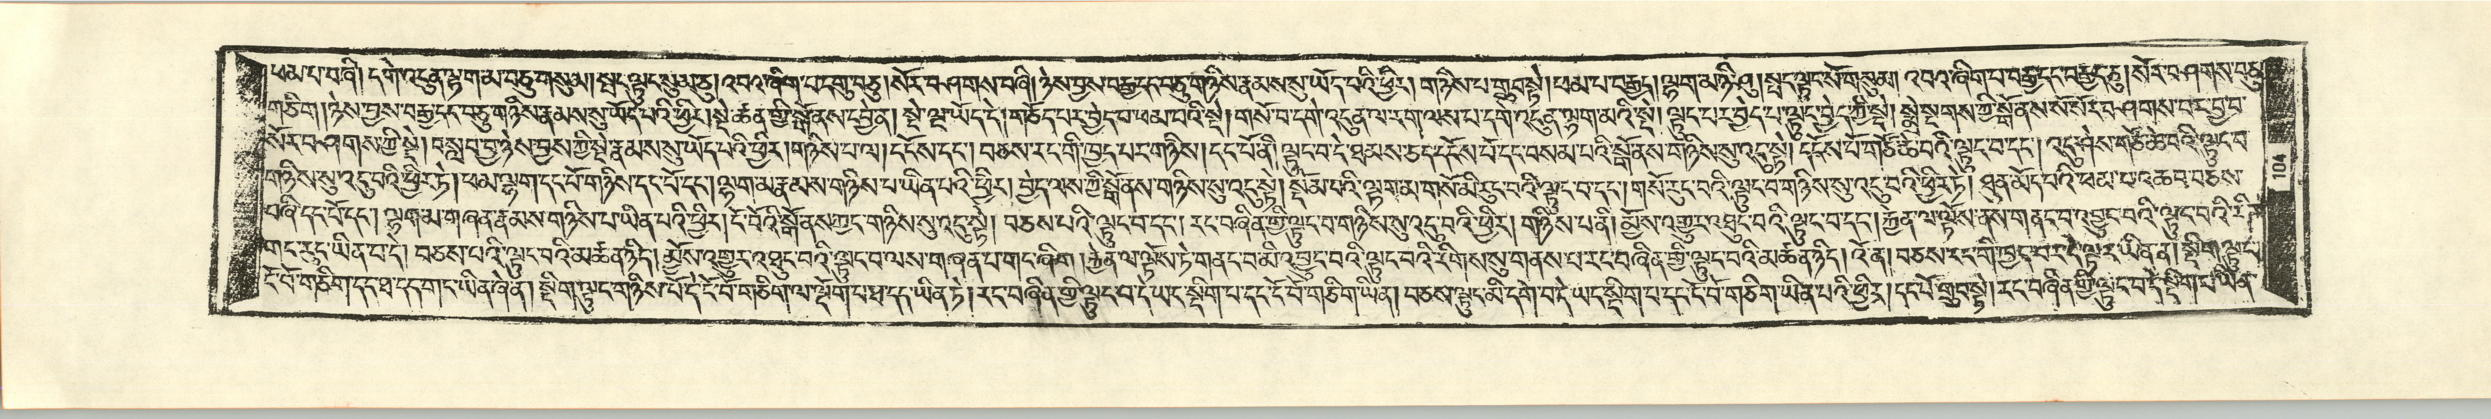ཕམ་པ་བཞི། དགེ་འདུན་ལྷག་མ་བཅུ་གསུམ། སྤང་ལྟུང་སུམ་ཅུ། འབའ་ཞིག་པ་དགུ་བཅུ། སོར་བཤགས་བཞི། ཉེས་བྱས་བརྒྱ་དང་བཅུ་གཉིས་རྣམས་སུ་ཡོད་པའི་ཕྱིར། གཉིས་པ་གྲུབ་སྟེ། ཕམ་པ་བརྒྱད། ལྷག་མ་ཉི་ཤུ། སྤང་ལྟུང་སོ་གསུམ། འབའ་ཞིག་པ་བརྒྱ་དང་བརྒྱད་ཅུ། སོར་བཤགས་བཅུ་
གཅིག །ཉེས་བྱས་བརྒྱ་དང་བཅུ་གཉིས་རྣམས་སུ་ཡོད་པའི་ཕྱིར། སྡེ་ཚན་གྱི་སྒོ་ནས་དབྱེ་ན། སྡེ་ལྔ་ཡོད་དེ། གཅོད་པར་བྱེད་པ་ཕམ་པའི་སྡེ། གསོ་བ་དགེ་འདུན་ལ་རག་ལས་པ་དགེ་འདུན་ལྷག་མའི་སྡེ། ལྟུང་པར་བྱེད་པ་ལྟུང་བྱེད་ཀྱི་སྡེ། སྨྲེ་སྔགས་ཀྱི་སྒོ་ནས་སོ་སོར་བཤགས་པར་བྱ་བ་
སོར་བཤགས་ཀྱི་སྡེ། བསླབ་བྱ་ཉེས་བྱས་ཀྱི་སྡེ་རྣམས་སུ་ཡོད་པའི་ཕྱིར། གཉིས་པ་ལ། དངོས་དང་། བཅས་རང་གི་ཁྱད་པར་གཉིས། དང་པོ་ནི། ལྟུང་བ་དེ་ཐམས་ཅད་དངོས་པོ་དང་བསམ་པའི་སྒོ་ནས་གཉིས་སུ་འདུ་སྟེ། དངོས་པོ་གཙོ་ཆེ་བའི་ལྟུང་བ་དང་། འདུ་ཤེས་གཙོ་ཆེ་བའི་ལྟུང་བ་
གཉིས་སུ་འདུ་བའི་ཕྱིར་ཏེ། ཕམ་ལྷག་དང་པོ་གཉིས་དང་པོ་དང་། ལྷག་མ་རྣམས་གཉིས་པ་ཡིན་པའི་ཕྱིར། བྱེད་ལས་ཀྱི་སྒོ་ནས་གཉིས་སུ་འདུ་སྟེ། སྡོམ་པའི་ལྟག་མ་གསོ་མི་རུང་བའི་ལྟུང་བ་དང་། གསོ་རུང་བའི་ལྟུང་བ་གཉིས་སུ་འདུ་བའི་ཕྱིར་ཏེ། ཐུན་མོད་པའི་ཕམ་པ་འཆབ་བཅས་
བཞི་དང་པོ་དང་། ལྷག་མ་གཞན་རྣམས་གཉིས་པ་ཡིན་པའི་ཕྱིར། ངོ་བོའི་སྒོ་ནས་ཀྱང་གཉིས་སུ་འདུ་སྟེ། བཅས་པའི་ལྟུང་བ་དང་། རང་བཞིན་གྱི་ལྟུང་བ་གཉིས་སུ་འདུ་བའི་ཕྱིར། གཉིས་པ་ནི། མྱོས་འགྱུར་འཐུང་བའི་ལྟུང་བ་དང་། རྐྱེན་ལ་ལྟོས་ནས་གནང་བ་འབྱུང་བའི་ལྟུང་བའི་རིགས་
གང་རུང་ཡིན་པ་དེ། བཅས་པའི་ལྟུང་བའི་མཚན་ཉིད། མྱོས་འགྱུར་འཐུང་བའི་ལྟུང་བ་ལས་གཞན་པ་གང་ཞིག །རྐྱེན་ལ་ལྟོས་ཏེ་གནང་བ་མི་འབྱུང་བའི་ལྟུང་བའི་རིགས་སུ་གནས་པ་རང་བཞིན་གྱི་ལྟུང་བའི་མཚན་ཉིད། འོ་ན། བཅས་རང་གི་ཁྱད་པར་དེ་ལྟར་ཡིན་ན། སྡིག་ལྟུང་
ངོ་བོ་གཅིག་དང་ཐ་དད་གང་ཡིན་ཞེ་ན། སྡིག་ལྟུང་གཉིས་པོ་དེ་ངོ་བོ་གཅིག་ལ་ལྡོག་པ་ཐ་དད་ཡིན་ཏེ། རང་བཞིན་གྱི་ལྟུང་བ་དེ་ཡང་སྡིག་པ་དང་ངོ་བོ་གཅིག་ཡིན། བཅས་ལྟུང་མི་དགེ་བ་དེ་ཡང་སྡིག་པ་དང་ངོ་བོ་གཅིག་ཡིན་པའི་ཕྱིར། དང་པོ་གྲུབ་སྟེ། རང་བཞིན་གྱི་ལྟུང་བ་དེ་སྡིག་པ་ཡིན་